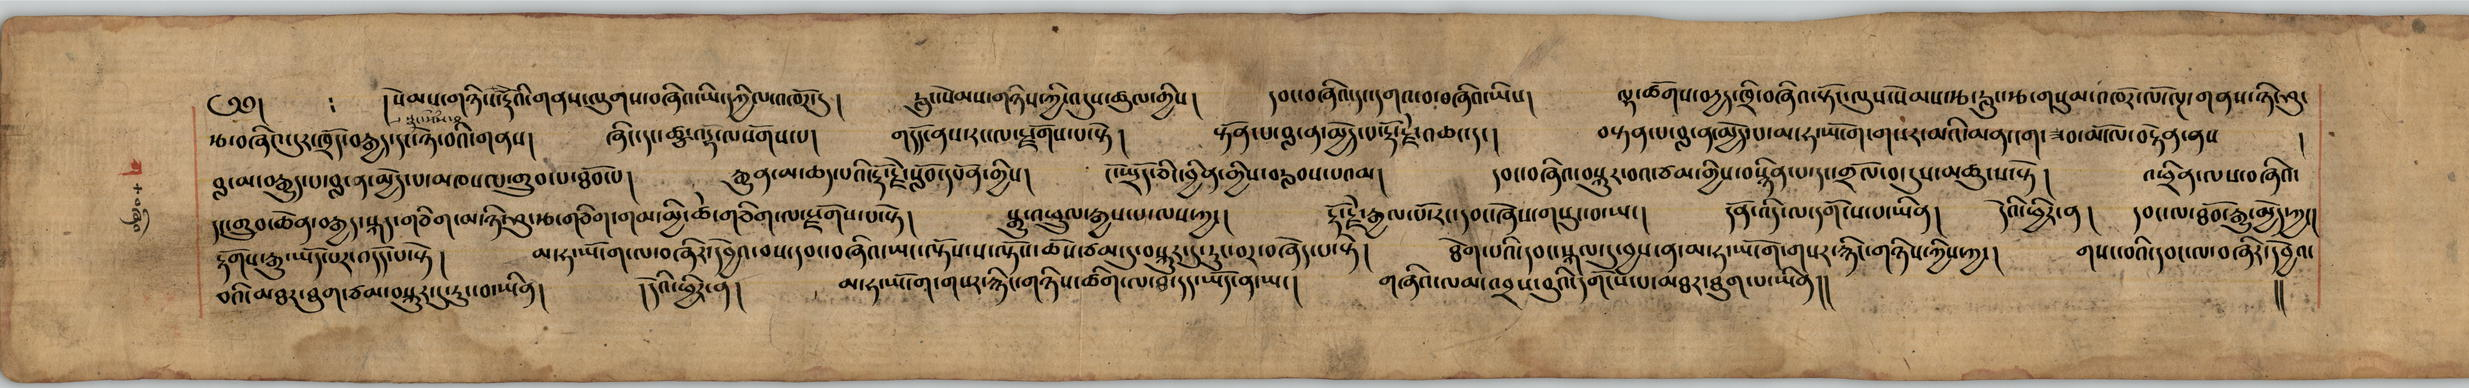༄༅། །སེམས་གཉིས་རྟའི་གནས་ལུགས་བཞིའ་ཡི་དཀྱིལ་འཁོར་དུ། རླུང་སེམས་གཉིས་ཀྱི་འདུས་ཚུལ་གྱིས། དབང་བཞིའ་དང་དགའ་བ་བཞིའ་ཡིས། ལྷ་ཚོགས་བརྱད་ཁྲི་བཞིའ་སྟོང་ལུས་སེམས་རྩ་རླུང་རྩ་གསུམ་འཁོར་ལོ་ལྔ་གནས་ཉི་ཤུ་
རྩ་བཞིའ་དུར་ཁྲོད་བརྒྱད་དང་ཉེ་བའི་གནས། ཞིང་དང་ཚུར་འདྷོ་ལསོགས་པ། གདོད་ནས་རང་ལ་རྫོགས་པ་སྟེ། སྟོན་པ་བླ་ན་མྱེད་པ་རྡོ་རྗེ་འཆང་དང། བསྟན་པ་བླ་ན་མྱེད་པ་མ་ཧ་ཡོ་ག་གསར་མའི་མན་ངག་ཟབ་མོ་ལ་བརྟེན་ནས
བླ་མ་བརྒྱུད་པ་བླ་ན་མྱེད་པ་མཁའ་ལ་གྲུབ་པ་ཐོབ་པ། རྒྱུན་མ་ཆད་པའི་རྡོ་རྗེ་སློབ་དཔོན་གྱིས། ངོ་སྤྲོད་ཅིང་བྱིན་གྱིས་བརླབས་པའམ། དབང་བཞིའ་བསྐུར་བའ་ཙམ་གྱིས་བསྙིན་པ་དང་གྲོལ་བ་དུས་མཚུངས་སྟེ། འཕྲིན་ལས་བཞིའ་
དང་གྲུབ་ཆེན་བརྒྱད་སྐད་གཅིག་མ་ཉི་ཤུ་རྩ་གཅིག་གམ་མྱི་ཚེ་གཅིག་ལ་སྫོགས་པ་སྟེ། སྒྱུ་འཕྲུལ་རྒྱས་པ་ལས་ཀྱང། རྡོ་རྗེ་རྒྱལ་པོ་རང་དབང་ཞེས་གསུང་བ་ཡང། དོན་འདི་ལ་དགོངས་པ་ཡིན། དེའི་ཕྱིར་ན། དབང་ལ་ཐོབ་རྒྱུ་མྱེད་ཀྱང།
རྟོགས་རྒྱུ་ཡོད་པར་འདོད་པ་སྟེ། མ་ཧ་ཡོ་ག་ལ་བཞིར་དབྱེའ་བས་དབང་བཞིའ་ཡང་ལྟོས་ས་ལྟོས་ཆོས་ཙམ་དུ་བསྐུར་དུ་རུང་བར་བཞེད་པ་སྟེ། ཐེག་པའི་དབང་སྐལ་དུ་བྱས་ན་མ་ཧ་ཡོ་ག་གསར་རྙིང་གཉིས་ཀྱིས་ཀྱང། གསང་བའི་དབང་ལ་བཞིར་དབྱེའ་
བའི་མཐར་ཐུག་ཙམ་བསྐུར་དུ་རུང་བ་ཡིན། །དེའི་ཕྱིར་ན། མ་ཧ་ཡོ་ག་གསར་རྙིང་གཉིས་ཚིག་ལ་ཐ་དད་ཡོད་བ་ཡང། གཞིའ་ལམ་འབྲས་བུའི་དགོངས་པ་མཐར་ཐུག་པ་ཡིན།།